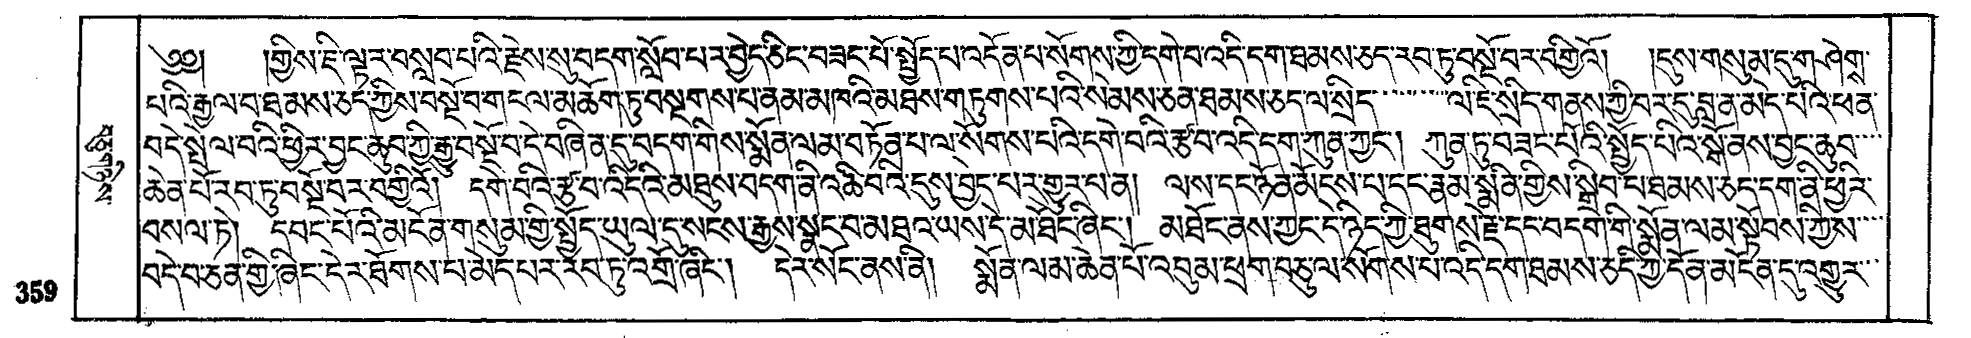༄༅། །གྱིས་ཇི་ལྟར་བསླབ་པའི་རྗེས་སུ་བདག་སློབ་པར་བྱེད་ཅིང་བཟང་པོ་སྤྱོད་པ་འདོན་པ་སོགས་ཀྱི་དགེ་བ་འདི་དག་ཐམས་ཅད་རབ་ཏུ་བསྔོ་བར་བགྱིའོ། །དུས་གསུམ་དུ་གཤེགས་
པའི་རྒྱལ་བ་ཐམས་ཅད་ཀྱིས་བསྔོ་བ་གང་ལ་མཆོག་ཏུ་བསྔགས་པ་ནམ་མཁའི་མཐས་གཏུགས་པའི་སེམས་ཅན་ཐམས་ཅད་ལ་སྲིད་ལ་ཇི་སྲིད་གནས་ཀྱི་བར་དུ་བླ་ན་མེད་པའི་ཕན་
བདེ་སྤེལ་བའི་ཕྱིར་བྱང་ཆུབ་ཀྱི་རྒྱུ་བསྔོ་བ་དེ་བཞིན་དུ་བདག་གིས་སྨོན་ལམ་བཏོན་པ་ལ་སོགས་པའི་དགེ་བའི་རྩ་བ་འདི་དག་ཀུན་ཀྱང་། ཀུན་ཏུ་བཟང་པོའི་སྤྱོད་པའི་སྒོ་ནས་བྱང་ཆུབ་
ཆེན་པོ་རབ་ཏུ་བསྔོ་བར་བགྱིའོ། དགེ་བའི་རྩ་བ་འདིའི་མཐུས་བདག་ནི་འཆི་བའི་དུས་བྱེད་པར་གྱུར་པ་ན། ལས་དང་ཉོན་མོངས་པ་དང་རྣམ་སྨིན་གྱིས་སྒྲིབ་པ་ཐམས་ཅད་དག་ནི་ཕྱིར་
བསལ་ཏེ། དབང་པོའི་མངོན་གསུམ་གྱི་སྤྱོད་ཡུལ་དུ་སངས་རྒྱས་སྣང་བ་མཐའ་ཡས་དེ་མ་ཐོང་ཞིང་། མཐོང་ནས་ཀྱང་དེ་ཉིད་ཀྱི་ཐུགས་རྗེ་དང་བདག་གི་སྨོན་ལམ་སྟོབས་ཀྱིས་
བདེ་བ་ཅན་གྱི་ཞིང་དེར་ཐོགས་པ་མེད་པར་རབ་ཏུ་འགྲོ་ཞིང་། དེར་སོང་ནས་ནི། སྨོན་ལམ་ཆེན་པོ་འབུམ་ཕྲག་བཅུ་ལ་སོགས་པ་འདི་དག་ཐམས་ཅད་ཀྱི་དོན་མངོན་དུ་འགྱུར་